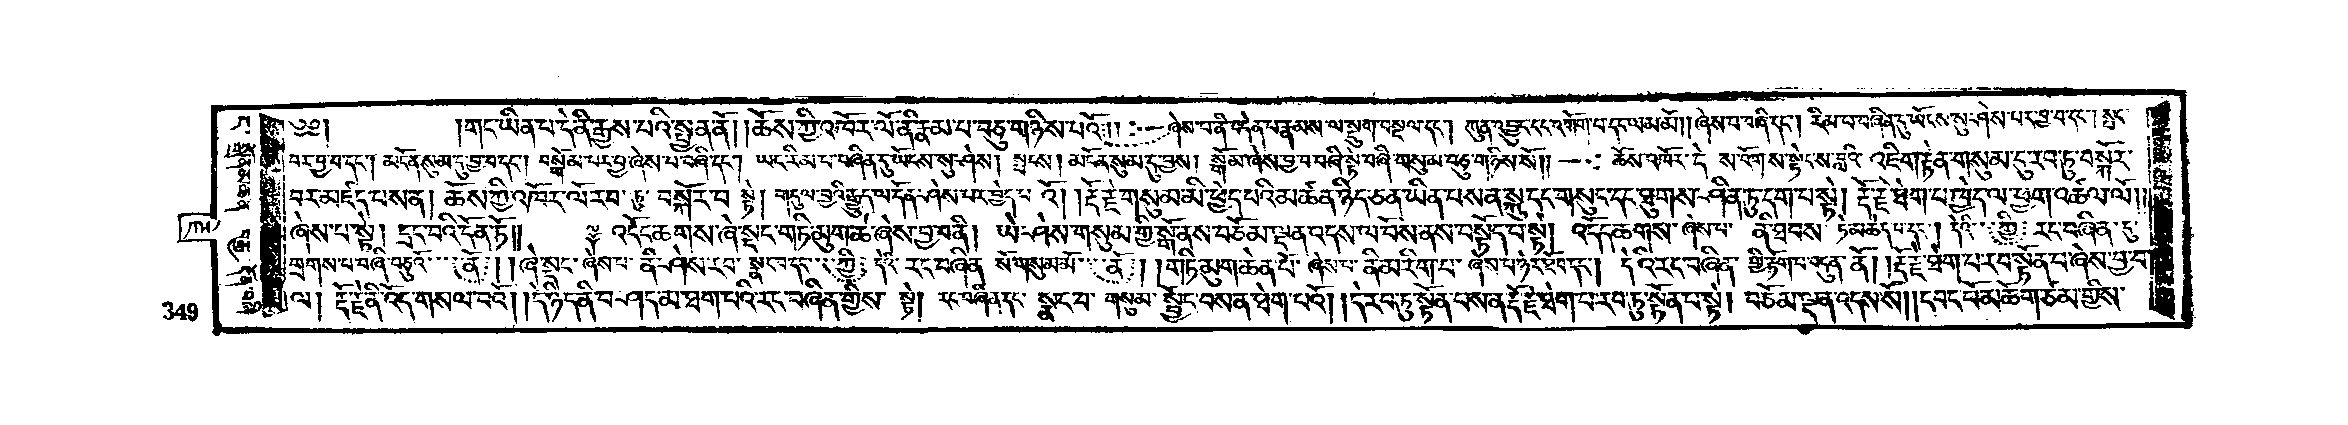༄༅། །གང་ཡིན་པ་དེ་ནི་རྒྱས་པའི་སྤྱན་ནོ། །ཆོས་ཀྱི་འཁོར་ལོ་ནི་རྣམ་པ་བཅུ་གཉིས་པའོ།།H.ཞེས་པ་ནི་བདེན་པ་རྣམས་ལ་སྡུག་བསྔལ་དང་། ཀུན་འབྱུང་དང་འགོག་པ་དང་ལམ་མོ། །ཞེས་པ་བཞི་དང་། རིམ་པ་བཞིན་དུ་ཡོངས་སུ་ཤས་པར་བྱ་བ་དང་། སྤང་
བར་བྱ་བ་དང་། མངོན་སུམ་དུ་བྱ་བ་དང་། བསྒོམ་པར་བྱ་ཞེས་པ་བཞི་དང་། ཡང་རིམ་པ་བཞིན་དུ་ཡོངས་སུ་ཤེས། སྤངས། མངོན་སུམ་དུ་བྱས། སྒོམ་ཞེས་བྱ་བ་བཞི་སྟེ་བཞི་གསུམ་བཅུ་གཉིས་སོ།། .H ཆོས་འཁོར་དེ་ས་འོག་ས་སྟེང་ས་བླའི་འཇིག་རྟེན་གསུམ་དུ་རབ་ཏུ་བསྐོར་
བར་མཛད་པས་ན། ཆོས་ཀྱི་འཁོར་ལོ་རབ་ཏུ་བསྐོར་བ་སྟེ། གདུལ་བྱའི་རྒྱུད་ལ་དོན་ཤེས་པར་བྱེད་པའོ། །རྡོ་རྗེ་གསུམ་མི་ཕྱེད་པའི་མཚན་ཉིད་ཅན་ཡིན་པས་ན་སྐུ་དང་གསུང་དང་ཐུགས་ཤིན་ཏུ་དག་པ་སྟེ། རྡོ་རྗེ་ཐེག་པ་ཁྱེད་ལ་ཕྱག་འཚལ་ལོ།།
ཞེས་པ་སྟེ། དྲང་བའི་དོན་ཏོ།། ༈ འདོད་ཆགས་ཞེ་སྡང་གཏི་མུག་ཆེ་ཞེས་བྱ་བ་ནི། ཡེ་ཤེས་གསུམ་གྱི་སྒོ་ནས་བཅོམ་ལྡན་འདས་ལ་བོས་ནས་བསྟོད་པ་སྟེ། འདོད་ཆགས་ཞེས་པ་ནི་ཐབས་ཏེ་མཆེད་པ་དང་། དེའི་ཀྱི་རང་བཞིན་དུ་
གྲགས་པ་བཞི་བཅུའོ་ནོ། །ཞེ་སྡང་ཞེས་པ་ནི་ཤེས་རབ་སྣང་བ་དང་ཀྱི་དེའི་རང་བཞིན་སོ་གསུམ་མོ་ནོ། །གཏི་མུག་ཆེན་པོ་ཞེས་པ་ནི་མ་རིག་པ་ཞེས་པ་ཉེར་ཐོབ་དང། དེའི་རང་བཞིན་གྱི་རྟོག་པ་བདུན་ནོ། །རྡོ་རྗེ་ཐེག་པ་རབ་སྟོན་པ་ཞེས་བྱ་བ་
ལ། རྡོ་རྗེ་ནི་འོད་གསལ་བའོ། །དེ་ཉིད་ནི་བཤད་མ་ཐག་པའི་རང་བཞིན་གྱིས་སྟེ། རང་བཞིན་དང་སྣང་བ་གསུམ་སྦྱོང་བས་ན་ཐེག་པའོ། །དེ་རབ་ཏུ་སྟོན་པས་ན་རྡོ་རྗེ་ཐེག་པ་རབ་ཏུ་སྟོན་པ་སྟེ། བཅོམ་ལྡན་འདས་སོ། །དབང་པོ་མཆོག་ཙམ་གྱིས་